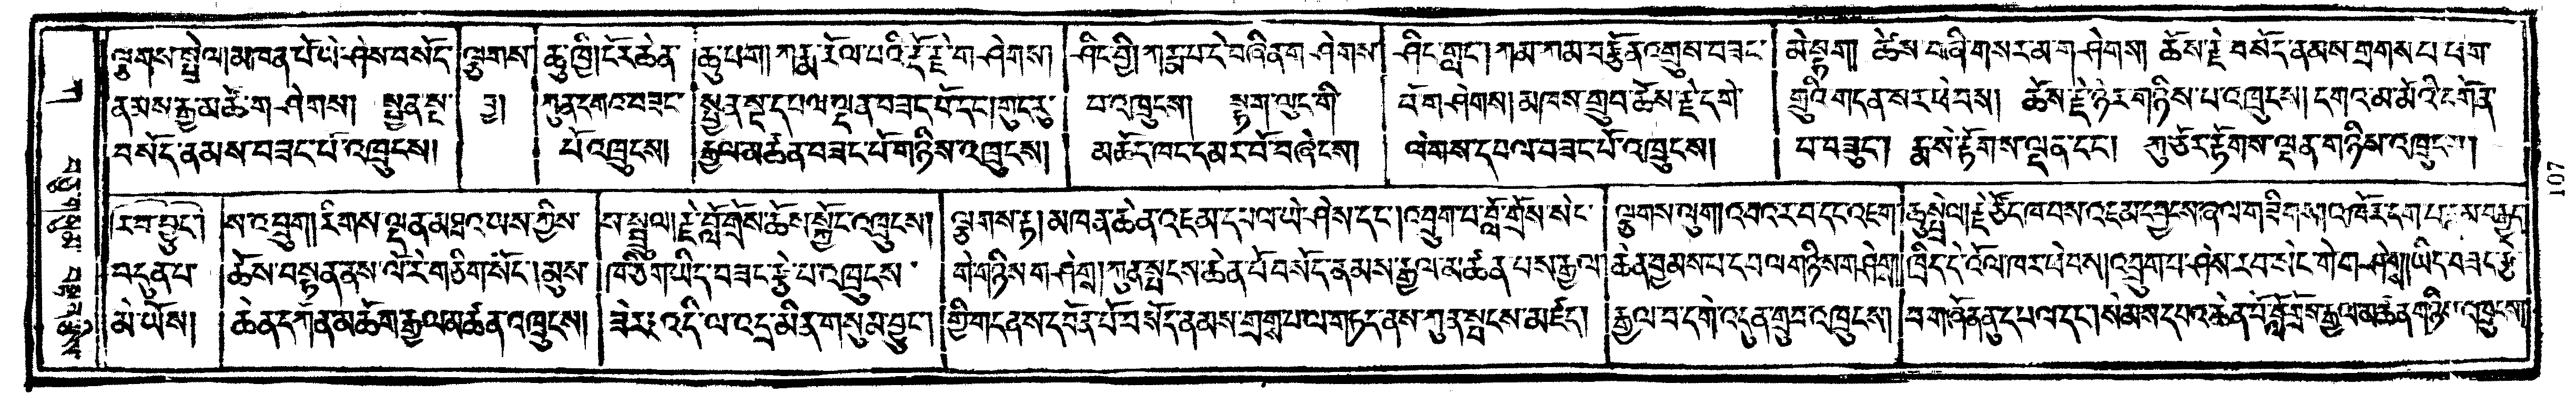༄༅། །ལྕགས་སྤྲེལ། མཁན་པོ་ཡེ་ཤེས་བསོད་ལྕགས་ཆུ་ཁྱི། ངོར་ཆེན་ཆུ་པག། ཀརྨ་རོལ་པའི་རྡོ་རྗེ་གཤེགས། ཤིང་བྱི། ཀརྨ་པ་དེ་བཞིན་གཤེགས། ཤིང་གླང་། ཀམ་ཀམ་བརྩོན་འགྲུས་བཟང་། མེ་སྟག། ཚེས་བཞི་གསར་མ་གཤེགས། ཆོས་རྗེ་བསོད་ནམས་གྲགས་པ་ཕག་
ནམས་རྒྱ་མཚོ་གཤེགས། སྤྱན་སྔ། བྱ། ཀུན་དགའ་བཟང་། སྤྱན་སྔ་དཔལ་ལྡན་བཟང་པོ་དང་། གུང་རུ། པ་འཁྲུངས། སྟག་ལུང་གི། བོ་གཤེགས་མཁས་གྲུབ་ཆོས་རྗེ་དགེ། གྲུའི་གདན་སར་ཕེབས། ཆོས་རྗེ་ཉེར་གཉིས་པ་འཁྲུངས། དགའ་མ་མོའི་དགོན་
བསོད་ནམས་བཟང་པོ་འཁྲུངས། པོ་འཁྲུངས། རྒྱལ་མཚན་བཟང་པོ་གཉིས་འཁྲུངས། མཆོད་ཁང་དམར་པོ་བཞེངས། ལེགས་དཔལ་བཟང་པོ་འཁྲུངས། བ་བཟུང་། རྨ་སེ་རྟོགས་ལྡན་དང་། ཀུ་ཅོར་རྟོགས་ལྡན་གཉིས་འཁྲུངས།
རབ་བྱུང་།  །ས་འབྲུག། རིགས་ལྡན་མཐའ་ཡས་ཀྱིས་ས་སྤྲུལ། རྗེ་བློ་གྲོས་ཆོས་སྐྱོང་འཁྲུངས། ལྕགས་རྟ། མཁན་ཆེན་འཇམ་དཔལ་ཡེ་ཤེས་དང་། འབྲུག་པ་བློ་གྲོས་སེང་ལྕགས་ལུག། འབའ་རབ་དང་འཇག་ཆུ་སྤྲེལ། རྗེ་ཙོང་ཁ་བས་འཇམ་དབྱངས་ཞལ་གཟིགས། འཁོར་དག་པ་མ?་བརྒྱུད་
བདུན་པ་ཆོས་བསྟན་ནས་ལོ་རེ་གཅིག་སོང་། མུས་ཁ་ཅིག་ཡིད་བཟང་རྩེ་པ་འཁྲུངས་གེ་གཉིས་གཤེགས། ཀུན་སྤངས་ཆེན་པོ་བསོད་ནམས་རྒྱལ་མཚན་པས་རྒྱལ་ཆེན་བྱམས་པ་དབལ་གཉིས་གཤེགས། ཁྲིད་དེ་འོལ་ཁར་ཕེབས། འབྲུག་པ་ཤེས་རབ་སེང་གེ་གཤེགས། ཡིད་བཟང་རྩེ་
མེ་ཡོས། ཆེན་དཀོན་མཆོག་རྒྱལ་མཚན་འཁྲུངས། ཟེར་འདི་ལ་འདྲ་མིན་གསུམ་བྱུང་། གྱི་གདན་ས་དབོན་པོ་བསོད་ནམས་གྲགས་པ་ལ་གཏད་ནས་ཀུན་སྤངས་མཛད། རྒྱལ་བ་དགེ་འདུན་གྲུབ་འཁྲུངས། བ་གཞོན་ནུ་དཔལ་དང་། སེམས་དཔའ་ཆེན་བོ་བློ་གྲོས་རྒྱལ་མཚན་གཉིས་འཁྲུངས་